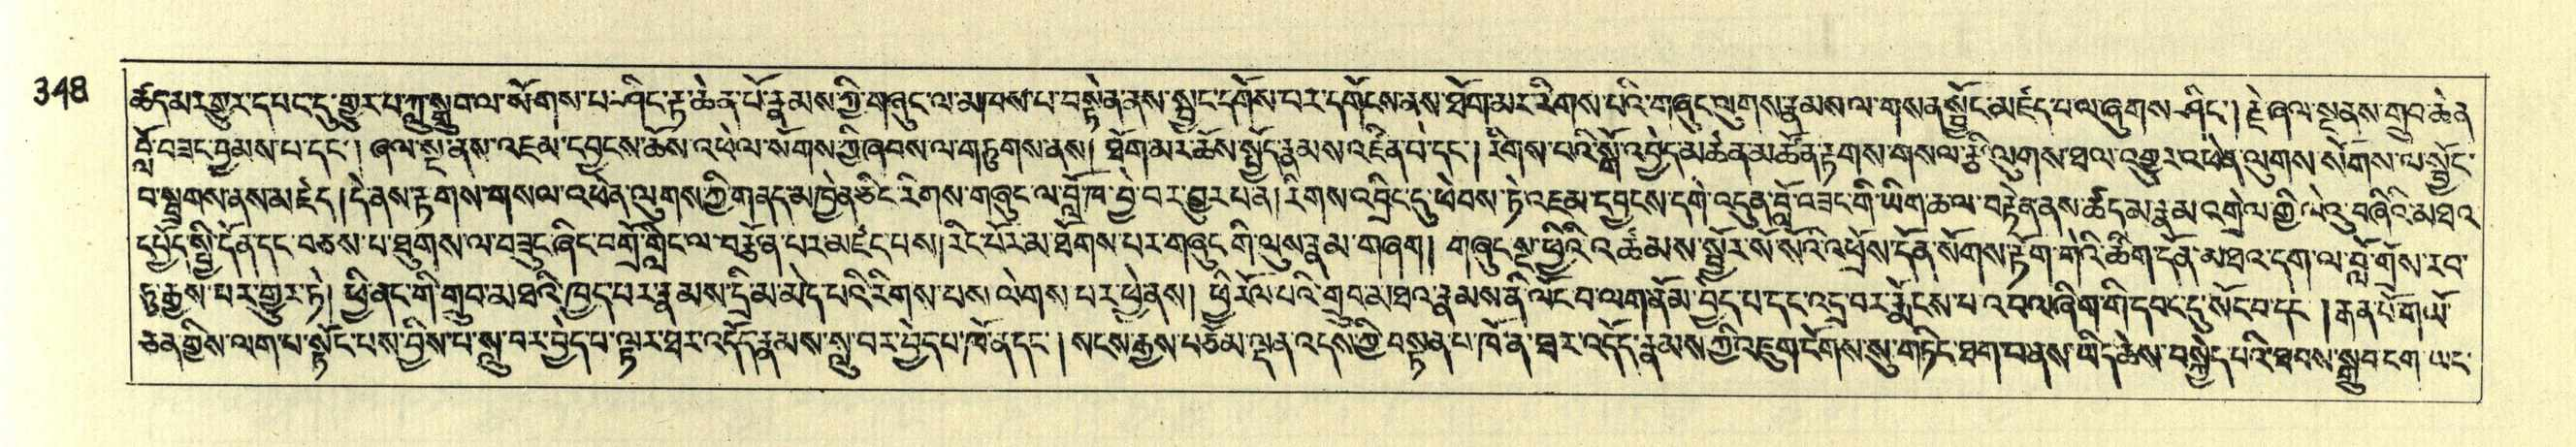ཚད་མར་གྱུར་དཔང་དུ་གྱུར་པ་ཀླུ་སྒྲུབ་ལ་སོགས་པ་ཤིང་རྟ་ཆེན་པོ་རྣམས་ཀྱི་གཞུང་ལ་མཁས་པ་བསྟེན་ནས་སྦྱང་དགོས་པར་དགོངས་ནས་ཐོག་མར་རིགས་པའི་གཞུང་ལུགས་རྣམས་ལ་གསན་སྦྱོང་མཛད་པ་ལ་ཞུགས་ཤིང་། རྗེ་ཞལ་སྔ་ནས་གྲུབ་ཆེན་
བློ་བཟང་བྱམས་པ་དང་། ཞལ་སྔ་ནས་འཇམ་དབྱངས་ཆོས་འཕེལ་སོགས་ཀྱི་ཞབས་ལ་གཏུགས་ནས། ཐོག་མར་ཆོས་སྤྱོད་རྣམས་འཛིན་པ་དང་། རིགས་པའི་སྒོ་འབྱེད་མཆེད་མཚོན་རྟགས་གསལ་རྩི་ལུགས་ཐལ་འགྱུར་འཕེན་ལུགས་སོགས་ལ་སྦྱོང་
བ་སྦྲགས་ནས་མཛད། དེ་ནས་རྟགས་གསལ་འཕེན་ལུགས་ཀྱི་གནད་མཁྱེན་ཅིང་རིགས་གཞུང་ལ་བློ་ཁ་བྱེ་བར་གྱུར་པ་ན། རིགས་འབྲིང་དུ་ཕེབས་ཏེ་འཇམ་དབྱངས་དགེ་འདུན་བློ་བཟང་གི་ཡིག་ཆ་ལ་བརྟེན་ནས་ཚད་མ་རྣམ་འགྲེལ་གྱི་ལེའུ་བཞིའི་མཐའ་
དཔྱོད་སྤྱི་དོན་དང་བཅས་པ་ཐུགས་ལ་བཟུང་ཞིང་བགྲོ་གླེང་ལ་བརྩོན་པར་མཛད་པས། རིང་པོར་མ་ཐོགས་པར་གཞུང་གི་ལུས་རྣམ་གཞག། གཞུང་སྔ་ཕྱིའི་འཚམས་སྦྱོར་སོ་སོའི་འཕྲོས་དོན་སོགས་རྟོག་གེའི་ཚིག་དོན་མཐའ་དག་ལ་བློ་གྲོས་རབ་
ཏུ་རྒྱས་པར་གྱུར་ཏེ། ཕྱི་ནང་གི་གྲུབ་མཐའི་ཁྱད་པར་རྣམས་དྲི་མ་མེད་པའི་རིགས་པས་ལེགས་པར་ཕྱེ་ནས། ཕྱི་རོལ་པའི་གྲུབ་མཐའ་རྣམས་ནི་ལོང་བ་ལག་ནོམ་བྱེད་པ་དང་འདྲ་བར་རྨོངས་པ་འབའ་ཞིག་གི་དབང་དུ་སོང་བ་དང་།རྒན་པོ་གཡོ་
ཅན་གྱིས་ལག་པ་སྟོང་པས་བྱིས་པ་སླུ་བར་བྱེད་པ་ལྟར་ཐར་འདོད་རྣམས་སླུ་བར་བྱེད་པ་ཁོ་ན་དང་། སངས་རྒྱས་བཅོམ་ལྡན་འདས་ཀྱི་བསྟན་པ་ཁོ་ན་ཐར་འདོད་རྣམས་ཀྱི་འཇུག་ངོགས་སུ་གཏིང་ཐག་པ་ནས་ཡིད་ཆེས་བསྐྱེད་པའི་ཐབས་སྒྲུབ་ངག་ཡང་